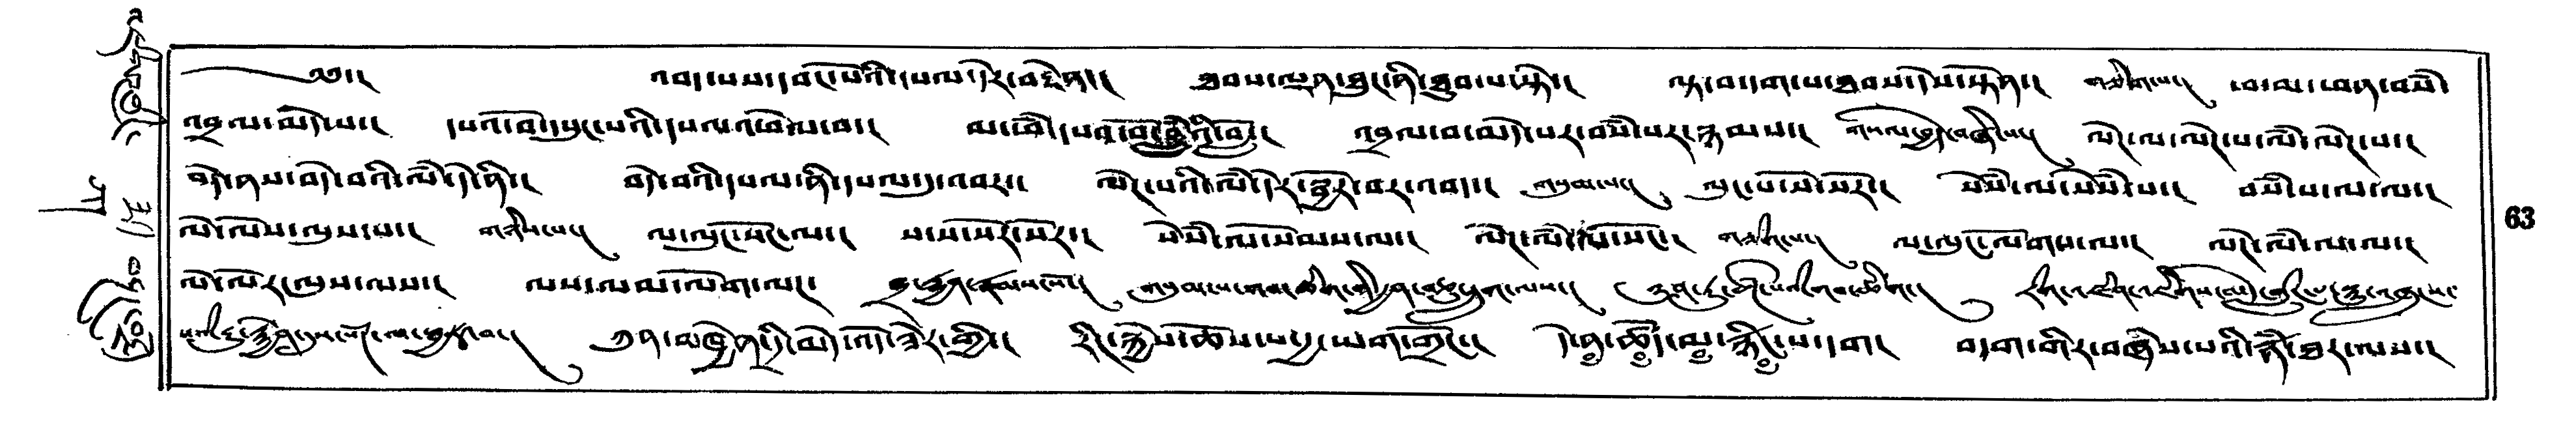།འབད་པས་དབང་པོའི་དཔལ་དེར་བརྟེན། །ཐབས་ལྡན་ཐུགས་ནི་ཐུབ་པ་སྟེ། །ལྟ་བ་དག་པ་ཐབས་དེས་སྟོན། ། གཅིག་པ། ཕ་མ་ཕན་བསམ་
འབྲལ་མེད་པ། །དཔའ་བོ་དཔུང་པའི་དཔལ་འཕེལ་བ། །མ་ཕམ་དཔའ་བོ་བླ་མའི་བློ། །འབྲལ་བ་མེད་པར་བསམ་པར་སྙམ། ། གསལ་བྱེད་བཞི་པ། ལེགས་ལ་ལེགས་པ་ལམ་ལེགས་པ། །
བདེ་ནས་བདེ་བའི་ལམ་དེ་ནི། །བདེ་བའི་དཔལ་ནི་དཔལ་དུ་འབར། །ལེགས་པའི་ལམ་དེར་སྦྱོར་བར་འབད། ། གསུམ་པ། ལུང་པ་སོ་སོར། །སེམས་ལ་སེམས་པ། །བསམ་པ་ལ་ལ། །
ལེ་ལོས་ལུས་པ། ། གཉིས་པ། ལ་ལུང་སོང་ལ། །ས་ས་སོར་སོར། །སེམས་ལ་སེམས་ལ། །ལེགས་ལམ་ལ་སོང་། ། གཅིག་པ། ལ་ལུང་ལོགས་ལ། །ལེགས་ལམ་ལ་ལ། །
ལེ་ལོར་ལུས་ལས། །ལས་ལམ་ལོག་ལ། ། སྒྲ་རྒྱན་རྣམས་སོ། གསུམ་པ་གབ་ཚིག་གི་རྒྱན་བཅུ་དྲུག་ལས། ཀུན་ཏུ་འཚོགས་པའི་གབ་ཚིག་རིག་འཛིན་འཇིགས་མེད་གླིང་པ་སྐུ་འཁྲུངས་
པའི་རྒྱུ་རྐྱེན་དུས་སོགས་ལ་སྦྱར་བ།ཀུན་མཁྱེན་དྲི་མེད་འོད་ཟེར་གྱི། །རིགས་སྐྱེས་ཆོས་པ་རྒྱ་ཡག་གྲོང་། །དེ་ན་ཚོད་མ་རྙིང་པ་དག བདག་གིར་བཞེས་པའི་རྣམ་ཐར་ལས། །